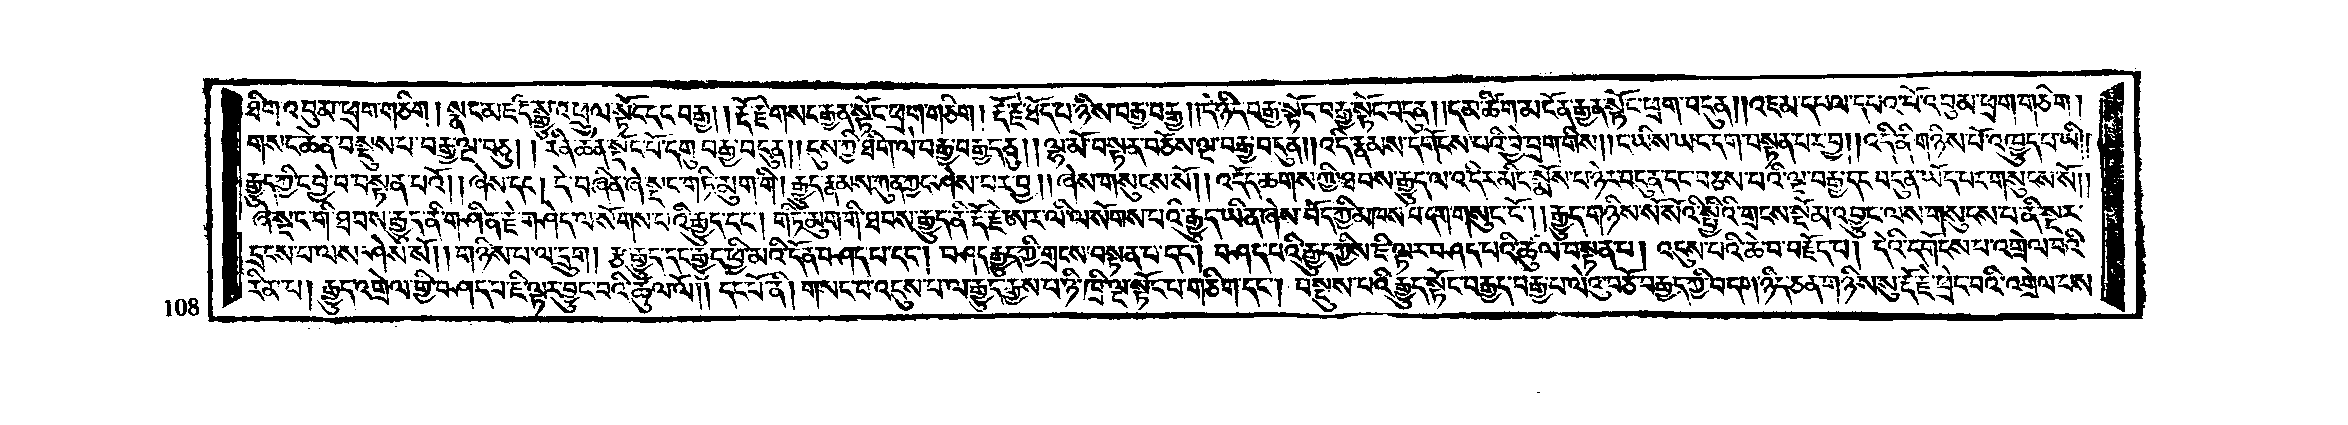ཐིག་འབུམ་ཕྲག་གཅིག། སྣང་མཛད་སྒྱུ་འཕྲུལ་སྟོང་དང་བརྒྱ། །རྡོ་རྗེ་གསང་རྒྱན་སྟོང་ཕྲག་གཅིག། རྡོ་རྗེ་ཐོད་པ་ཉིས་བརྒྱ་བརྒྱ། །དེ་ཉིད་བརྒྱ་སྟོང་བརྒྱ་སྟོང་བདུན། །དམ་ཚིག་མངོན་རྒྱན་སྟོང་ཕྲག་བདུན། །འཇམ་དཔལ་དཔའ་བོ་འབུམ་ཕྲག་གཅིག །
གསང་ཆེན་བསྡུས་པ་བརྒྱ་ལྔ་བཅུ། །རིན་ཆེན་སྡོང་པོ་དགུ་བརྒྱ་བདུན། །དུས་ཀྱི་ཐིག་ལེ་བརྒྱ་བརྒྱད་ཅུ། །ལྷ་མོ་བསྟན་བཅོས་ལྔ་བརྒྱ་བདུན། །འདི་རྣམས་དགོངས་པའི་བྱེ་བྲག་གིས། །ང་ཡིས་ཡང་དག་བསྟན་པར་བྱ། །འདི་ནི་གཉིས་པོ་འཁྱུད་པ་ཡི། །
རྒྱུད་ཀྱི་དབྱེ་བ་བསྟན་པའོ། །ཞེས་དང་། དེ་བཞིན་ཞེ་སྡང་གཏི་མུག་གི །རྒྱུད་རྣམས་ཀུན་ཀྱང་ཤེས་པར་བྱ། །ཞེས་གསུངས་སོ། །འདོད་ཆགས་ཀྱི་ཐབས་རྒྱུད་ལ་འདིར་མིང་སྨོས་པ་ཉེར་བདུན་དང་བཅས་པའི་ལྔ་བརྒྱ་དང་བདུན་ཡོད་པར་གསུངས་སོ། །
ཞེ་སྡང་གི་ཐབས་རྒྱུད་ནི་གཤིན་རྗེ་གཤེད་ལ་སོགས་པའི་རྒྱུད་དང་། གཏི་མུག་གི་ཐབས་རྒྱུད་ནི་རྡོ་རྗེ་ཨ་ར་ལི་ལ་སོགས་པའི་རྒྱུད་ཡིན་ཞེས་བོད་ཀྱི་མཁས་པ་དག་གསུང་ངོ། །རྒྱུད་གཉིས་སོ་སོའི་སྤྱིའི་གྲངས་སྡོམ་འབྱུང་ལས་གསུངས་པ་ནི་སྔར་
དྲངས་པ་ལས་ཤེས་སོ། །གཉིས་པ་ལ་དྲུག །རྩ་རྒྱུད་དང་རྒྱུད་ཕྱི་མའི་དོན་བཤད་པ་དང་། བཤད་རྒྱུད་ཀྱི་གྲངས་བསྟན་པ་དང་། བཤད་པའི་རྒྱུད་ཀྱིས་ཇི་ལྟར་བཤད་པའི་ཚུལ་བསྟན་པ། འདུས་པའི་ཆེ་བ་བརྗོད་པ། དེའི་དགོངས་པ་འགྲེལ་བའི་
རིམ་པ། རྒྱུད་འགྲེལ་གྱི་བཤད་པ་ཇི་ལྟར་བྱུང་བའི་ཚུལ་ལོ། །དང་པོ་ནི། གསང་བ་འདུས་པ་ལ་རྒྱུད་རྒྱས་པ་ཉི་ཁྲི་ལྔ་སྟོང་པ་གཅིག་དང་། བསྡུས་པའི་རྒྱུད་སྟོང་བརྒྱད་བརྒྱ་པ་ལེའུ་བཅོ་བརྒྱད་ཀྱི་བདག་ཉིད་ཅན་གཉིས་སུ་རྡོ་རྗེ་ཕྲེང་བའི་འགྲེལ་པས་